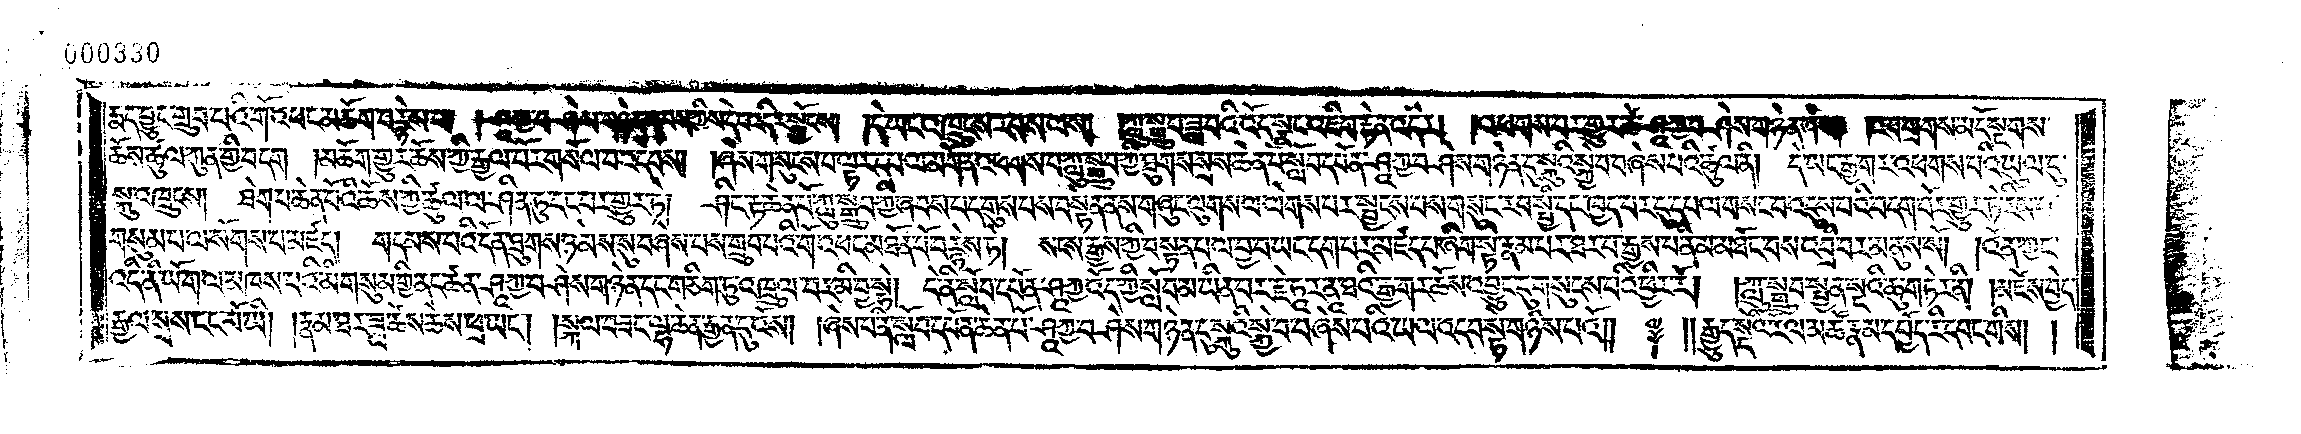རྨད་བྱུང་གྲུབ་པའི་གོ་འཕང་མཆོག་བརྙེས་པ། །ཤཱཀྱ་བཤེས་གཉེན་ཞབས་ཀྱིས་དེང་འདིར་སྐྱོངས། །དེ་ཡང་འཁྲུངས་རབས་ལས། །ཀླུ་སྒྲུབ་ཟླ་བའི་འོད་སྣང་འཇིག་རྟེན་འདིར། །འཕགས་པར་གྱུར་ཚེ་ཤཱཀྱ་བཤེས་གཉེན་ཞེས། །རབ་གྲགས་མདོ་སྔགས་
ཆོས་ཚུལ་ཀུན་གྱི་བདག །མཆོག་གྱུར་ཆོས་ཀྱི་རྒྱལ་པོར་གསོལ་བ་འདེབས། །ཞེས་གསུངས་བ་ལྟར་དཔལ་མགོན་འཕགས་པ་ཀླུ་སྒྲུབ་ཀྱི་ཐུགས་སྲས་ཆེན་པོ་སློབ་དཔོན་ཤཱཀྱ་བཤེས་གཉེན་དུ་སྐུའི་སྐྱེ་བ་བཞེས་པའི་ཚུལ་ནི། དེ་ཡང་རྒྱ་གར་འཕགས་པའི་ཡུལ་དུ་
སྐུ་འཁྲུངས། ཐེག་པ་ཆེན་པོའི་ཆོས་ཀྱི་ཚུལ་ལ་ཤིན་ཏུ་དང་པར་གྱུར་ཏེ། ཤིང་རྟ་ཆེན་པོ་ཀླུ་སྒྲུབ་ཀྱི་ཞབས་པད་གུས་པས་བསྟན་ནས་གཞུང་ལུགས་ལ་ལེགས་པར་སྦྱངས་པས་གསུང་རབ་སྤྱི་དང་ཁྱད་པར་དུ་དཔལ་གསང་བ་འདུས་པའི་བདག་པོར་གྱུར་ཏེ་རིམ་པ་
གསུམ་པ་ལ་སོགས་པ་མཛད། གདམས་པའི་དོན་ཐུགས་ཉམས་སུ་བཞེས་བས་གྲུབ་པའི་གོ་འཕང་མཐོན་པོ་བརྙེས་ཏེ། སངས་རྒྱས་ཀྱི་བསྟན་པ་ལ་བྱ་བ་ཡང་དག་པར་མཛད་པ་ཞིག་སྟེ་རྣམ་པར་ཐར་བ་རྒྱས་བ་ནི་མ་མཐོང་བས་འབྲི་བར་མ་ནུས་སོ། །འོན་ཀྱང་
འདི་ནི་ཡོ་ག་ལ་མཁས་པའི་མི་གསུམ་གྱི་ནང་ཚན་ཤཱཀྱ་བཤེས་གཉེན་དང་གཅིག་ཏུ་འཁྲུལ་བར་མི་བྱ་སྟེ། དེ་ནི་སློབ་དཔོན་ཤཱཀྱ་འོད་ཀྱི་སློབ་མ་ཡིན་པར་རྗེ་ཏཱ་ར་ནཱ་ཐའི་རྒྱ་གར་ཆོས་འབྱུང་དུ་གསུངས་པའི་ཕྱིར་རོ། །ཀླུ་སྒྲུབ་སྤྱན་སྔའི་ཆུ་གཏེར་ནི། །མཛེས་བྱེད་
རྒྱལ་སྲས་ངང་མོ་ཡི། །རྣམ་ཐར་ཟླ་ཆོས་ཆེས་ཕྲ་ཡང་། །སྐལ་བཟང་ལྷ་ཆེན་རྒྱན་དུ་འོས། །ཞེས་བ་ནི་སློབ་དཔོན་ཆེན་པོ་ཤཱཀྱ་བཤེས་གཉེན་དུ་སྐུའི་སྐྱེ་བ་བཞེས་པའི་ཡལ་འདབ་སྟེ་གཉིས་པའོ།། ༈ །།རྒྱུད་སྡའི་རལ་མཚོ་རྣམ་དཔྱོད་རི་དབང་གིས།།